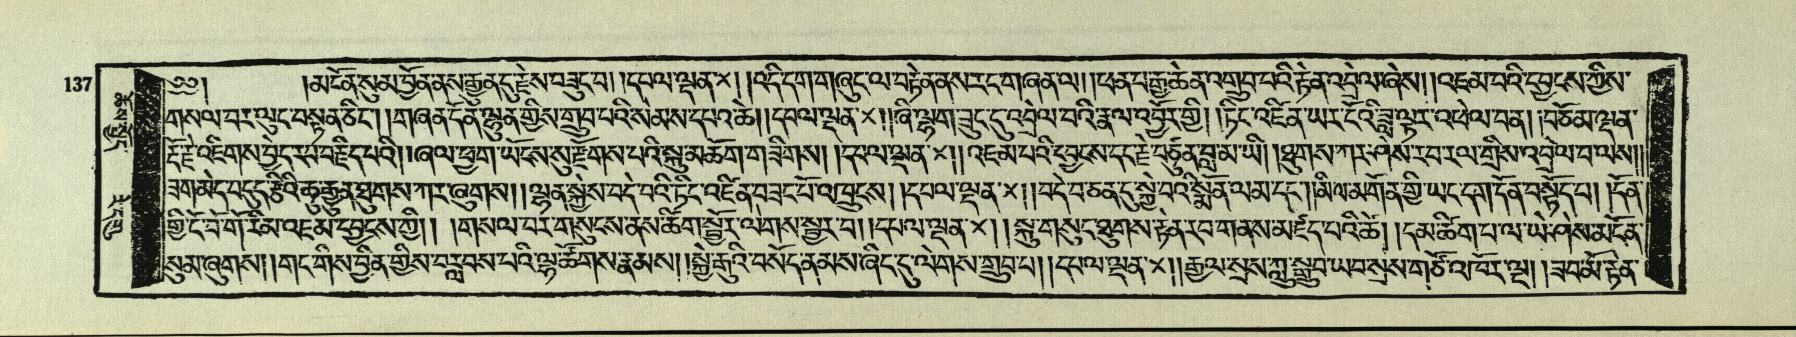༄༅། །མངོན་སུམ་བྱོན་ནས་རྒྱུན་དུ་རྗེས་བཟུང་བ། །དཔལ་ལྡན་྾། །འདི་དག་གཞུང་ལ་བརྟེན་ནས་རང་གཞན་ལ། །ཕན་པ་རྒྱ་ཆེན་འགྲུབ་པའི་རྟེན་འབྲེལ་ཞེས། །འཇམ་པའི་དབྱངས་ཀྱིས་
གསལ་བར་ལུང་བསྟན་ཅིང་། །གཞན་དོན་ལྷུན་གྱིས་གྲུབ་པའི་སེམས་དཔའ་ཆེ། །དཔལ་ལྡན་྾། །ཞི་ལྷག་ཟུང་དུ་འབྲེལ་བའི་རྣལ་འབྱོར་གྱི། །ཏིང་འཛིན་ཡར་ངོའི་ཟླ་ལྟར་འཕེལ་བ་ན། །བཅོམ་ལྡན་
རྡོ་རྗེ་འཇིགས་བྱེད་རབ་བརྗིད་པའི། །ཞལ་ཕྱག་ཡོངས་སུ་རྫོགས་པའི་སྐུ་མཆོག་གཟིགས། །དཔལ་ལྡན་྾། །འཇམ་པའི་དབྱངས་དང་རྗེ་བཙུན་བླ་མ་ཡི། །ཐུགས་ཀར་ཤེས་རབ་རལ་གྲིས་འབྲེལ་བ་ལས།།
ཟག་མེད་བདུད་རྩིའི་ཆུ་རྒྱུན་ཐུགས་ཀར་ཞུགས། །ལྷན་སྐྱེས་བདེ་བའི་ཏིང་འཛིན་བཟང་པོ་འཁྲུངས། །དཔལ་ལྡན་྾། །བདེ་བ་ཅན་དུ་སྐྱེ་བའི་སྨོན་ལམ་དང་། །མི་ལ་མགོན་གྱི་ཡང་དག་དོན་བསྟོད་པ། །དོན་
གྱི་ངོ་བོ་གོ་རིམ་འཇམ་དབྱངས་ཀྱི།། །གསལ་བར་གསུངས་ནས་ཚིག་སྦྱོར་ལེགས་སྦྱར་བ། །དཔལ་ལྡན་྾། །སྐུ་གསུང་ཐུགས་རྟེན་རབ་གནས་མཛད་པའི་ཚེ། །དམ་ཚིག་པ་ལ་ཡེ་ཤེས་མངོན་
སུམ་ཞུགས། །གང་གིས་བྱིན་གྱིས་བརླབས་པའི་ལྷ་ཚོགས་རྣམས། །སྐྱེ་རྒུའི་བསོད་ནམས་ཞིང་དུ་ལེགས་གྲུབ་པ། །དཔལ་ལྡན་྾། །རྒྱལ་སྲས་ཀླུ་སྒྲུབ་ཡབ་སྲས་གཙོ་འཁོར་ལྔ། །ཟབ་མོ་རྟེན་